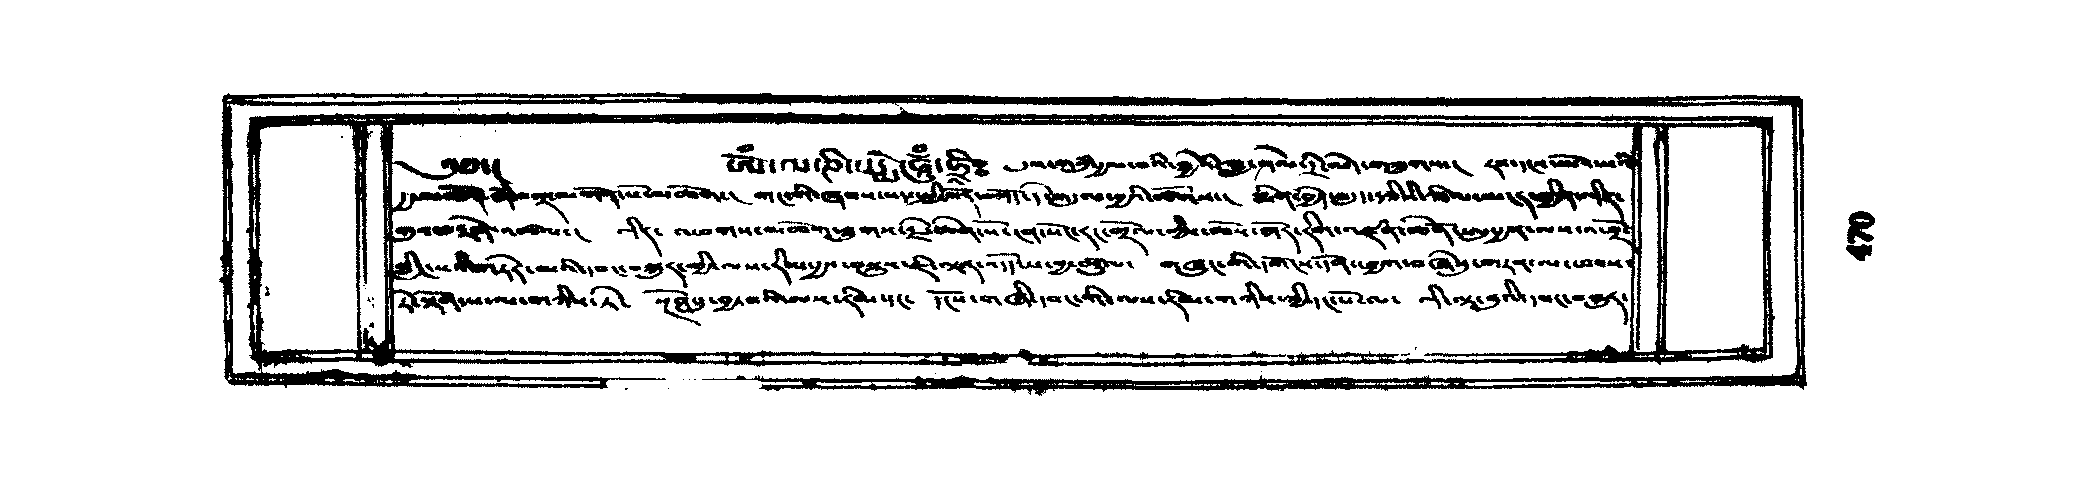ཨོཾ་མ་ཎི་པདྨེ་ཧཱུྃ་ཧྲཱིཿ དུས་གསུམ་རྒྱལ་བའི་ཐུགས་རྗེའི་ཟླ་ཤེལ་དྲི་མེད་གཟུགས། །རབ་དྭངས་མོས་པའི་
རྒྱ་མཚོར་རྣམ་བཀྲ་མགོན་པོ་མཆོག །གང་གི་ཞབས་པད་སྤྱི་བོར་བཀོད་དེ་གདུལ་བྱའི་ཚོགས། །སྨིན་བྱེད་བདུད་རྩིའི་ཟིལ་མངར་སྦྱིན་འདིར་
གུས་བརྟེན་འཚལ། འདིར་འཕགས་མཆོག་ཐུགས་རྗེ་ཆེན་པོ་ངན་སོང་རང་གྲོལ་གྱིས་ཆོས་སྐོར་རིག་འཛིན་ཆེན་པོ་ཨུ་རྒྱན་ལས་འཕྲོ་
གླིང་པའི་གཏེར་མའི་དབང་བསྐུར་གྱི་ལས་རིམ་རྒྱས་བསྡུས་ཇི་ལྟར་འདོད་པ་བྱ་ཚུལ། གཞུང་གི་དགོངས་དོན་ཕྱག་བཞེས་སུ་གཏན་ལ་ཕབ་
སྟེ་སྟོན་པ་ལ་གཉིས། སྔོན་དུ་བྱ་བའི་ལས་རིམ་དང་། དངོས་གཞི་དབང་གི་ལས་རིམ་གཉིས་ལས་དང་པོ་ལ། འདི་ལྟ་བུའི་དབང་བསྐུར་